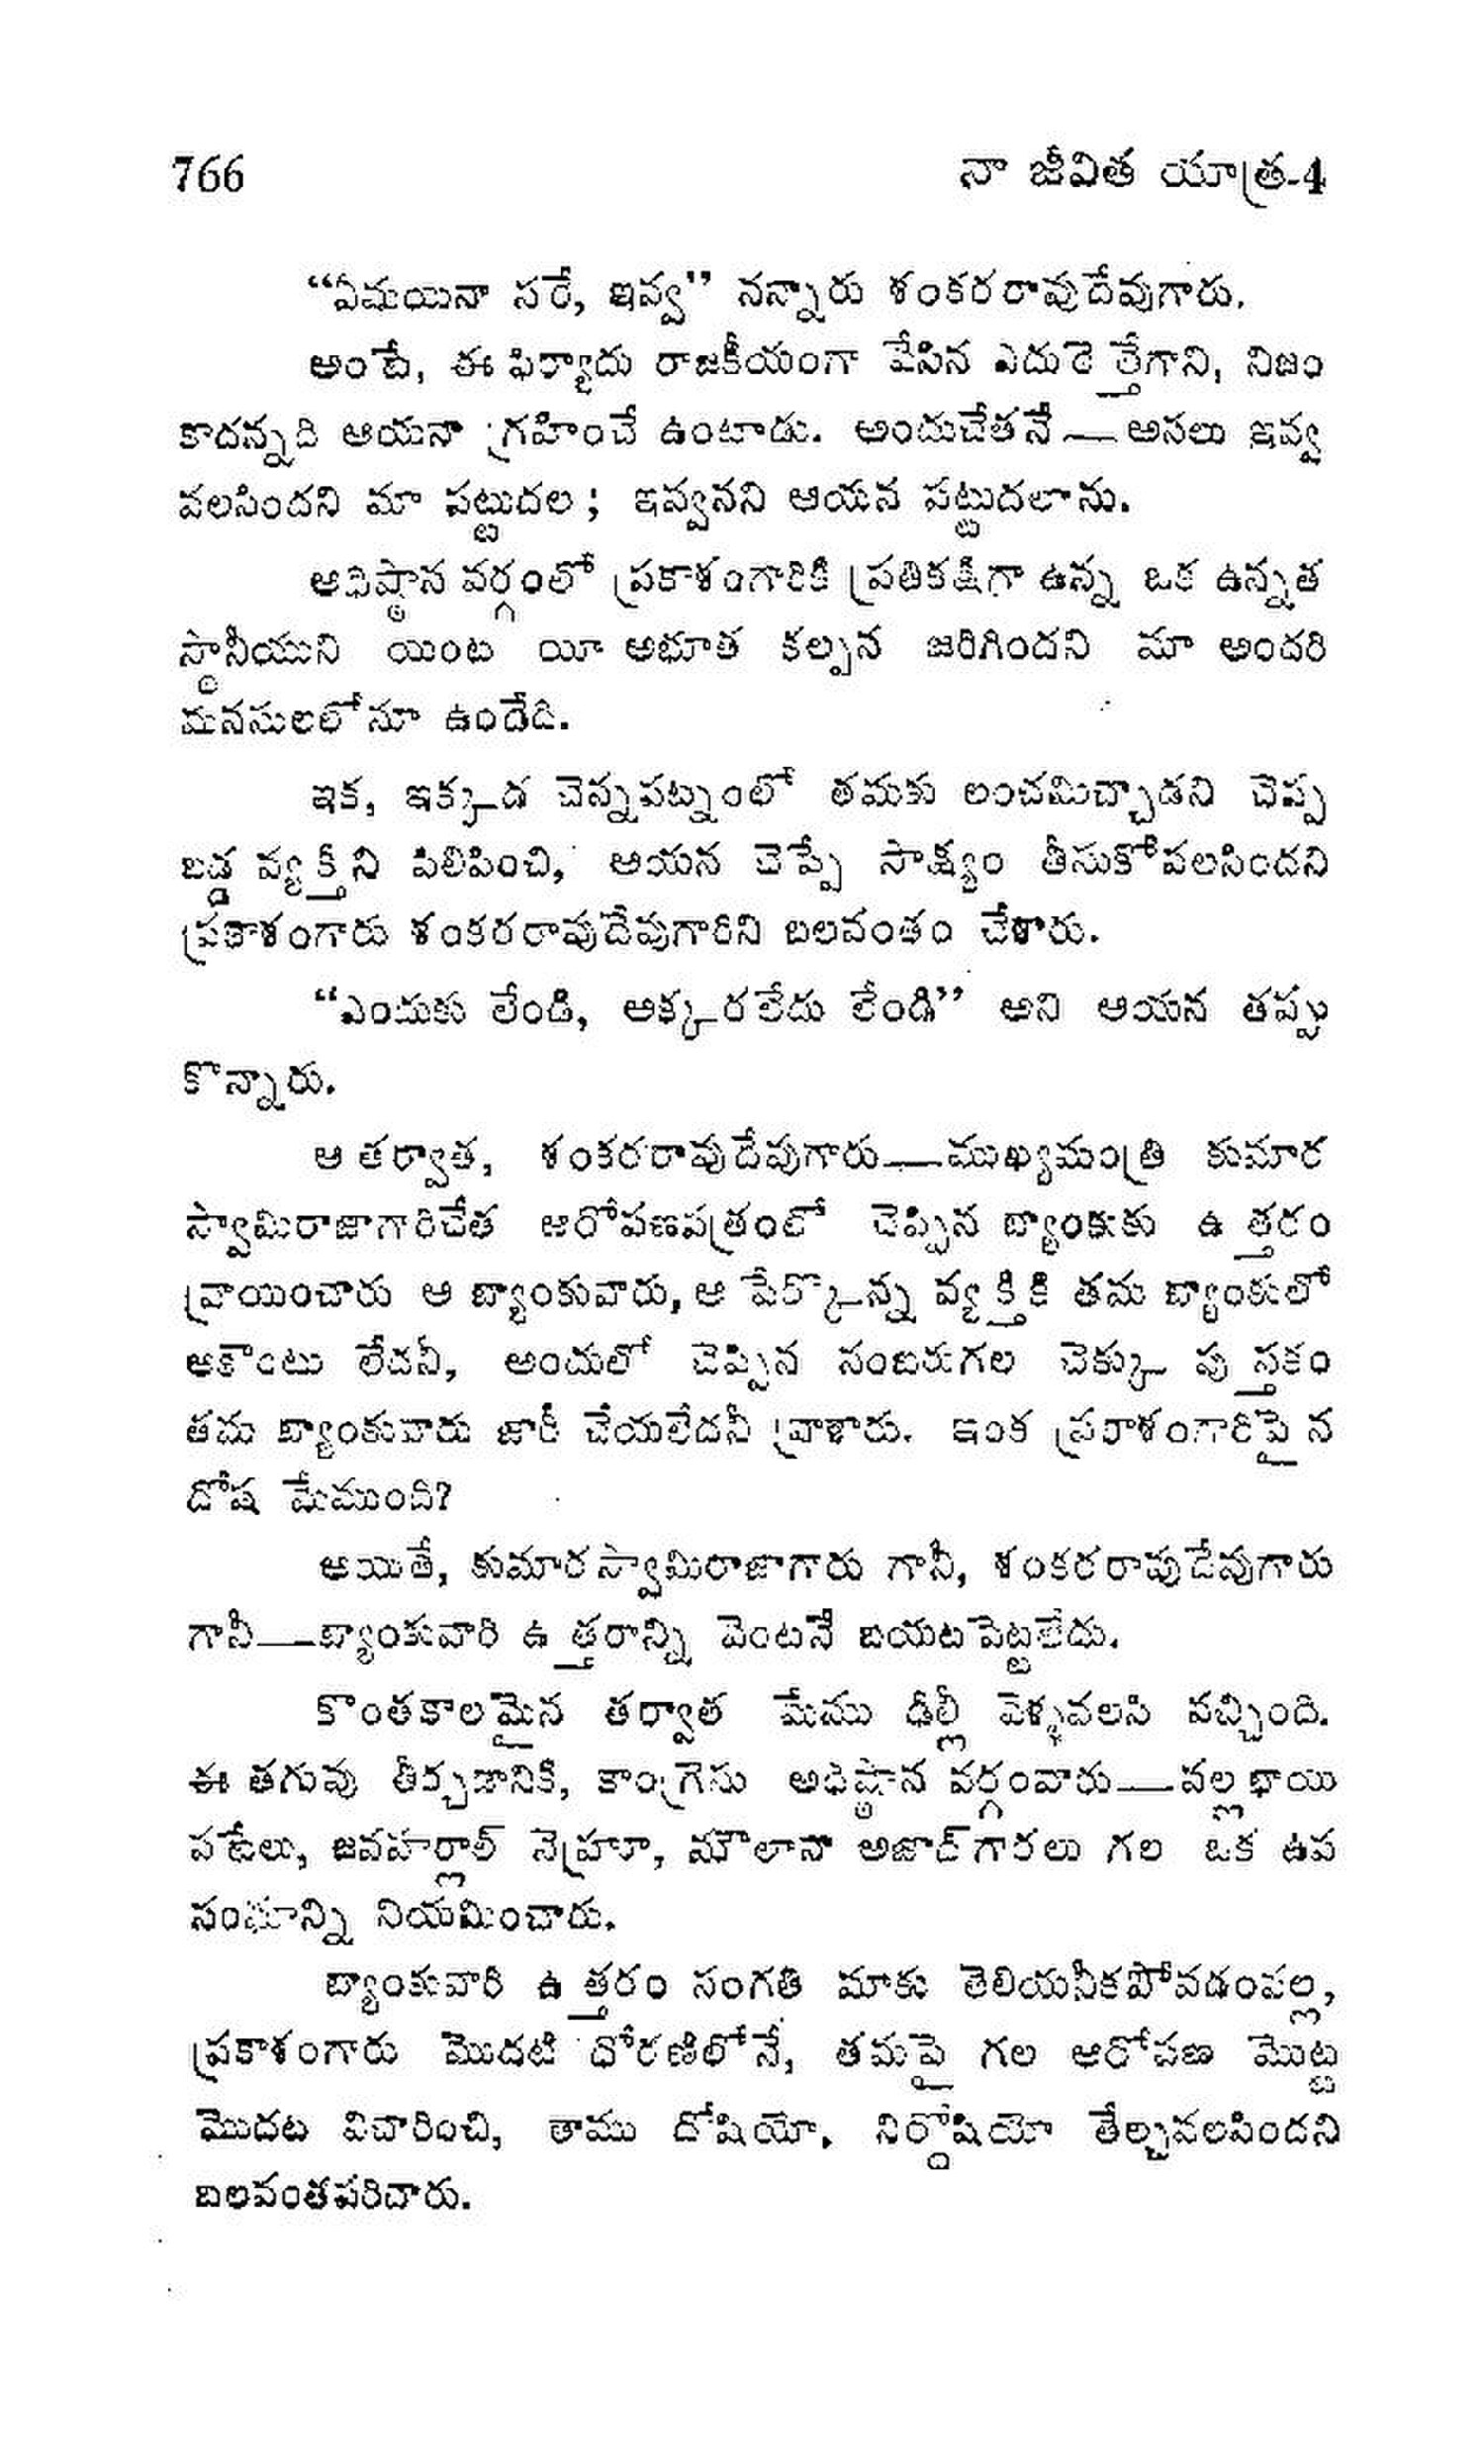"ఏమయినా సరే, ఇవ్వ" నన్నారు శంకరరావుదేవుగారు.

అంటే, ఈ ఫిర్యాదు రాజకీయంగా వేసిన ఎదురెత్తేగాని, నిజం కాదన్నది ఆయనా గ్రహించే ఉంటాడు. అందుచేతనే - అసలు ఇవ్వ వలసిందని మా పట్టుదల; ఇవ్వనని ఆయన పట్టుదలాను.

అధిష్ఠాన వర్గంలో ప్రకాశంగారికి ప్రతికక్షిగా ఉన్న ఒక ఉన్నత స్థానీయుని యింట యీ అభూత కల్పన జరిగిందని మా అందరి మనసులలోనూ ఉండేది.

ఇక, ఇక్కడ చెన్నపట్నంలో తమకు లంచమిచ్చాడని చెప్పబడ్డ వ్యక్తిని పిలిపించి, ఆయన చెప్పే సాక్ష్యం తీసుకోవలసిందని ప్రకాశంగారు శంకరరావుదేవుగారిని బలవంతం చేశారు.

"ఎందుకు లేండి, అక్కరలేదు లేండి" అని ఆయన తప్పుకొన్నారు.

ఆ తర్వాత, శంకరరావుదేవుగారు - ముఖ్యమంత్రి కుమారస్వామిరాజాగారిచేత ఆరోపణపత్రంలో చెప్పిన బ్యాంకుకు ఉత్తరం వ్రాయించారు అ భ్యాంకువారు, ఆ పేర్కొన్న వ్యక్తికి తమ బ్యాంకులో అకౌంటు లేదనీ, అందులో చెప్పిన నంబరుగల చెక్కు పుస్తకం తమ బ్యాంకువారు జారీ చేయలేదనీ వ్రాశారు. ఇంక ప్రకాశంగారిపైన దోష మేముంది?

అయితే, కుమారస్వామిరాజాగారు గానీ, శంకరరావుదేవుగారు గానీ - బ్యాంకువారి ఉత్తరాన్ని వెంటనే బయటపెట్టలేదు.

కొంతకాలమైన తర్వాత మేము ఢిల్లీ వెళ్ళవలసి వచ్చింది. ఈ తగువు తీర్చడానికి, కాంగ్రెసు అధిష్ఠాన వర్గంవారు - వల్లభాయి పటేలు, జవహర్లాల్ నెహ్రూ, మౌలానా అజాద్‌గారలు గల ఒక ఉప సంఘాన్ని నియమించారు.

బ్యాంకువారి ఉత్తరం సంగతి మాకు తెలియనీకపోవడంవల్ల, ప్రకాశంగారు మొదటి ధోరణిలోనే, తమపై గల ఆరోపణ మొట్టమొదట విచారించి, తాము దోషియో, నిర్దోషియో తేల్చవలసిందని బలవంతపరిచారు.